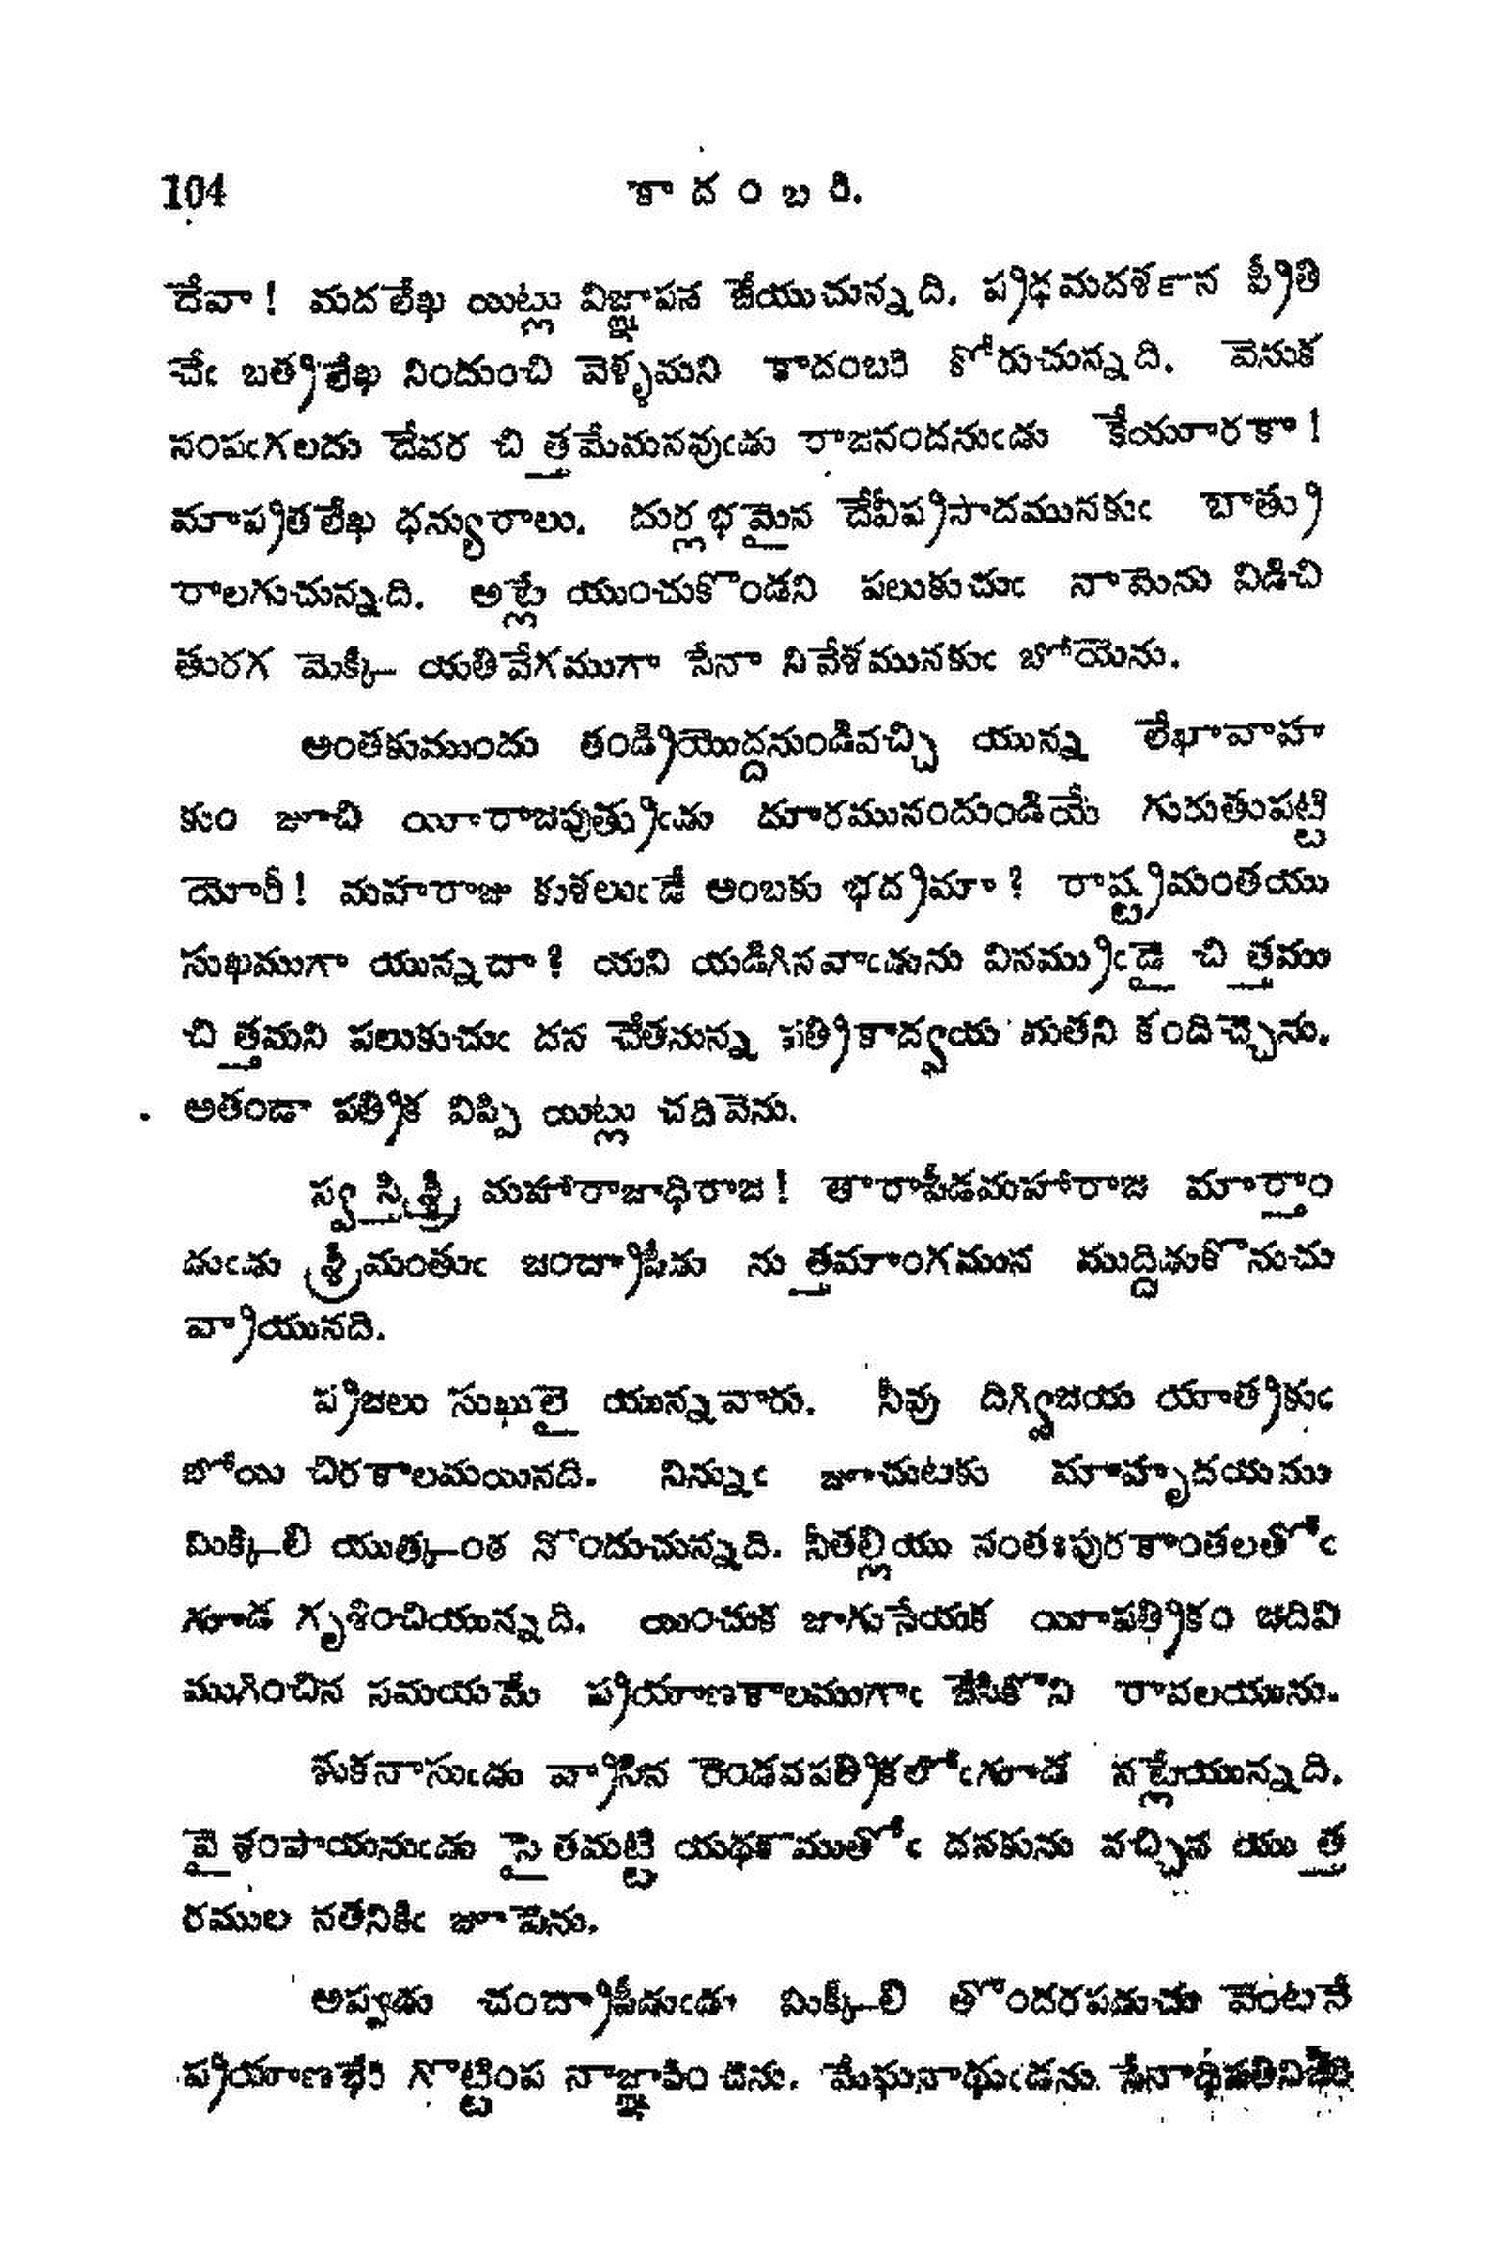దేవా! మదలేఖ యిట్లు విజ్ఞాపన జేయుచున్నది. ప్రధమదశ౯న ప్రీతిచేఁ బత్రలేఖ నిందుంచి వెళ్ళమని కాదంబరి కోరుచున్నది. వెనుక నంపఁగలదు దేవర చిత్తమేమనవుఁడు రాజనందనుఁడు కేయూరకా! మాపత్రలేఖ ధన్యురాలు. దుర్లభమైన దేవీప్రసాదమునకుఁ బాత్రురాలగుచున్నది. అట్లే యుంచుకొండని పలుకుచుఁ నామెను విడిచి తురగ మెక్కి యతివేగముగా సేనా నివేశమునకుఁ బోయెను.

అంతకుముందు తండ్రియొద్దనుండివచ్చి యున్న లేఖావాహకుం జూచి యీరాజపుత్రుఁడు దూరమునందుండియే గురుతుపట్టి యోరీ! మహరాజు కుశలుఁడే అంబకు భద్రమా? రాష్ట్రమంతయు సుఖముగా యున్నదా? యని యడిగినవాఁడును వినమ్రుఁడై చిత్తము చిత్తమని పలుకుచుఁ దన చేతనున్న పత్రికాద్వయ మతని కందిచ్చెను. అతండా పత్రిక విప్పి యిట్లు చదివెను.

స్వస్తిశ్రీ మహారాజాధిరాజ! తారాపీడమహారాజ మార్తాండుఁడు శ్రీమంతుఁ జంద్రాపీడు నుత్తమాంగమున ముద్దిడుకొనుచు వ్రాయునది.

ప్రజలు సుఖులై యున్నవారు. నీవు దిగ్విజయ యాత్రకుఁబోయి చిరకాలమయినది. నిన్నుఁ జూచుటకు మాహృదయము మిక్కిలి యుత్కంఠ నొందుచున్నది. నీతల్లియు నంతఃపురకాంతలతోఁ గూడ గృశించియున్నది. యించుక జాగుసేయక యీపత్రికం జదివి ముగించిన సమయమే ప్రయాణకాలముగాఁ జేసికొని రావలయును.

శుకనాసుఁడు వ్రాసిన రెండవపత్రికలోఁగూడ నట్లేయున్నది. వైశంపాయనుఁడు సైతమట్టి యథ౯ముతోఁ దనకును వచ్చిన యుత్తరముల నతనికిఁ జూపెను.

అప్పుడు చంద్రాపీడుఁడు మిక్కిలి తొందరపడుచు వెంటనే ప్రయాణభేరి గొట్టింప నాజ్ఞాపించెను. మేఘనాథుఁడను సేనాధిపతినిజేరి